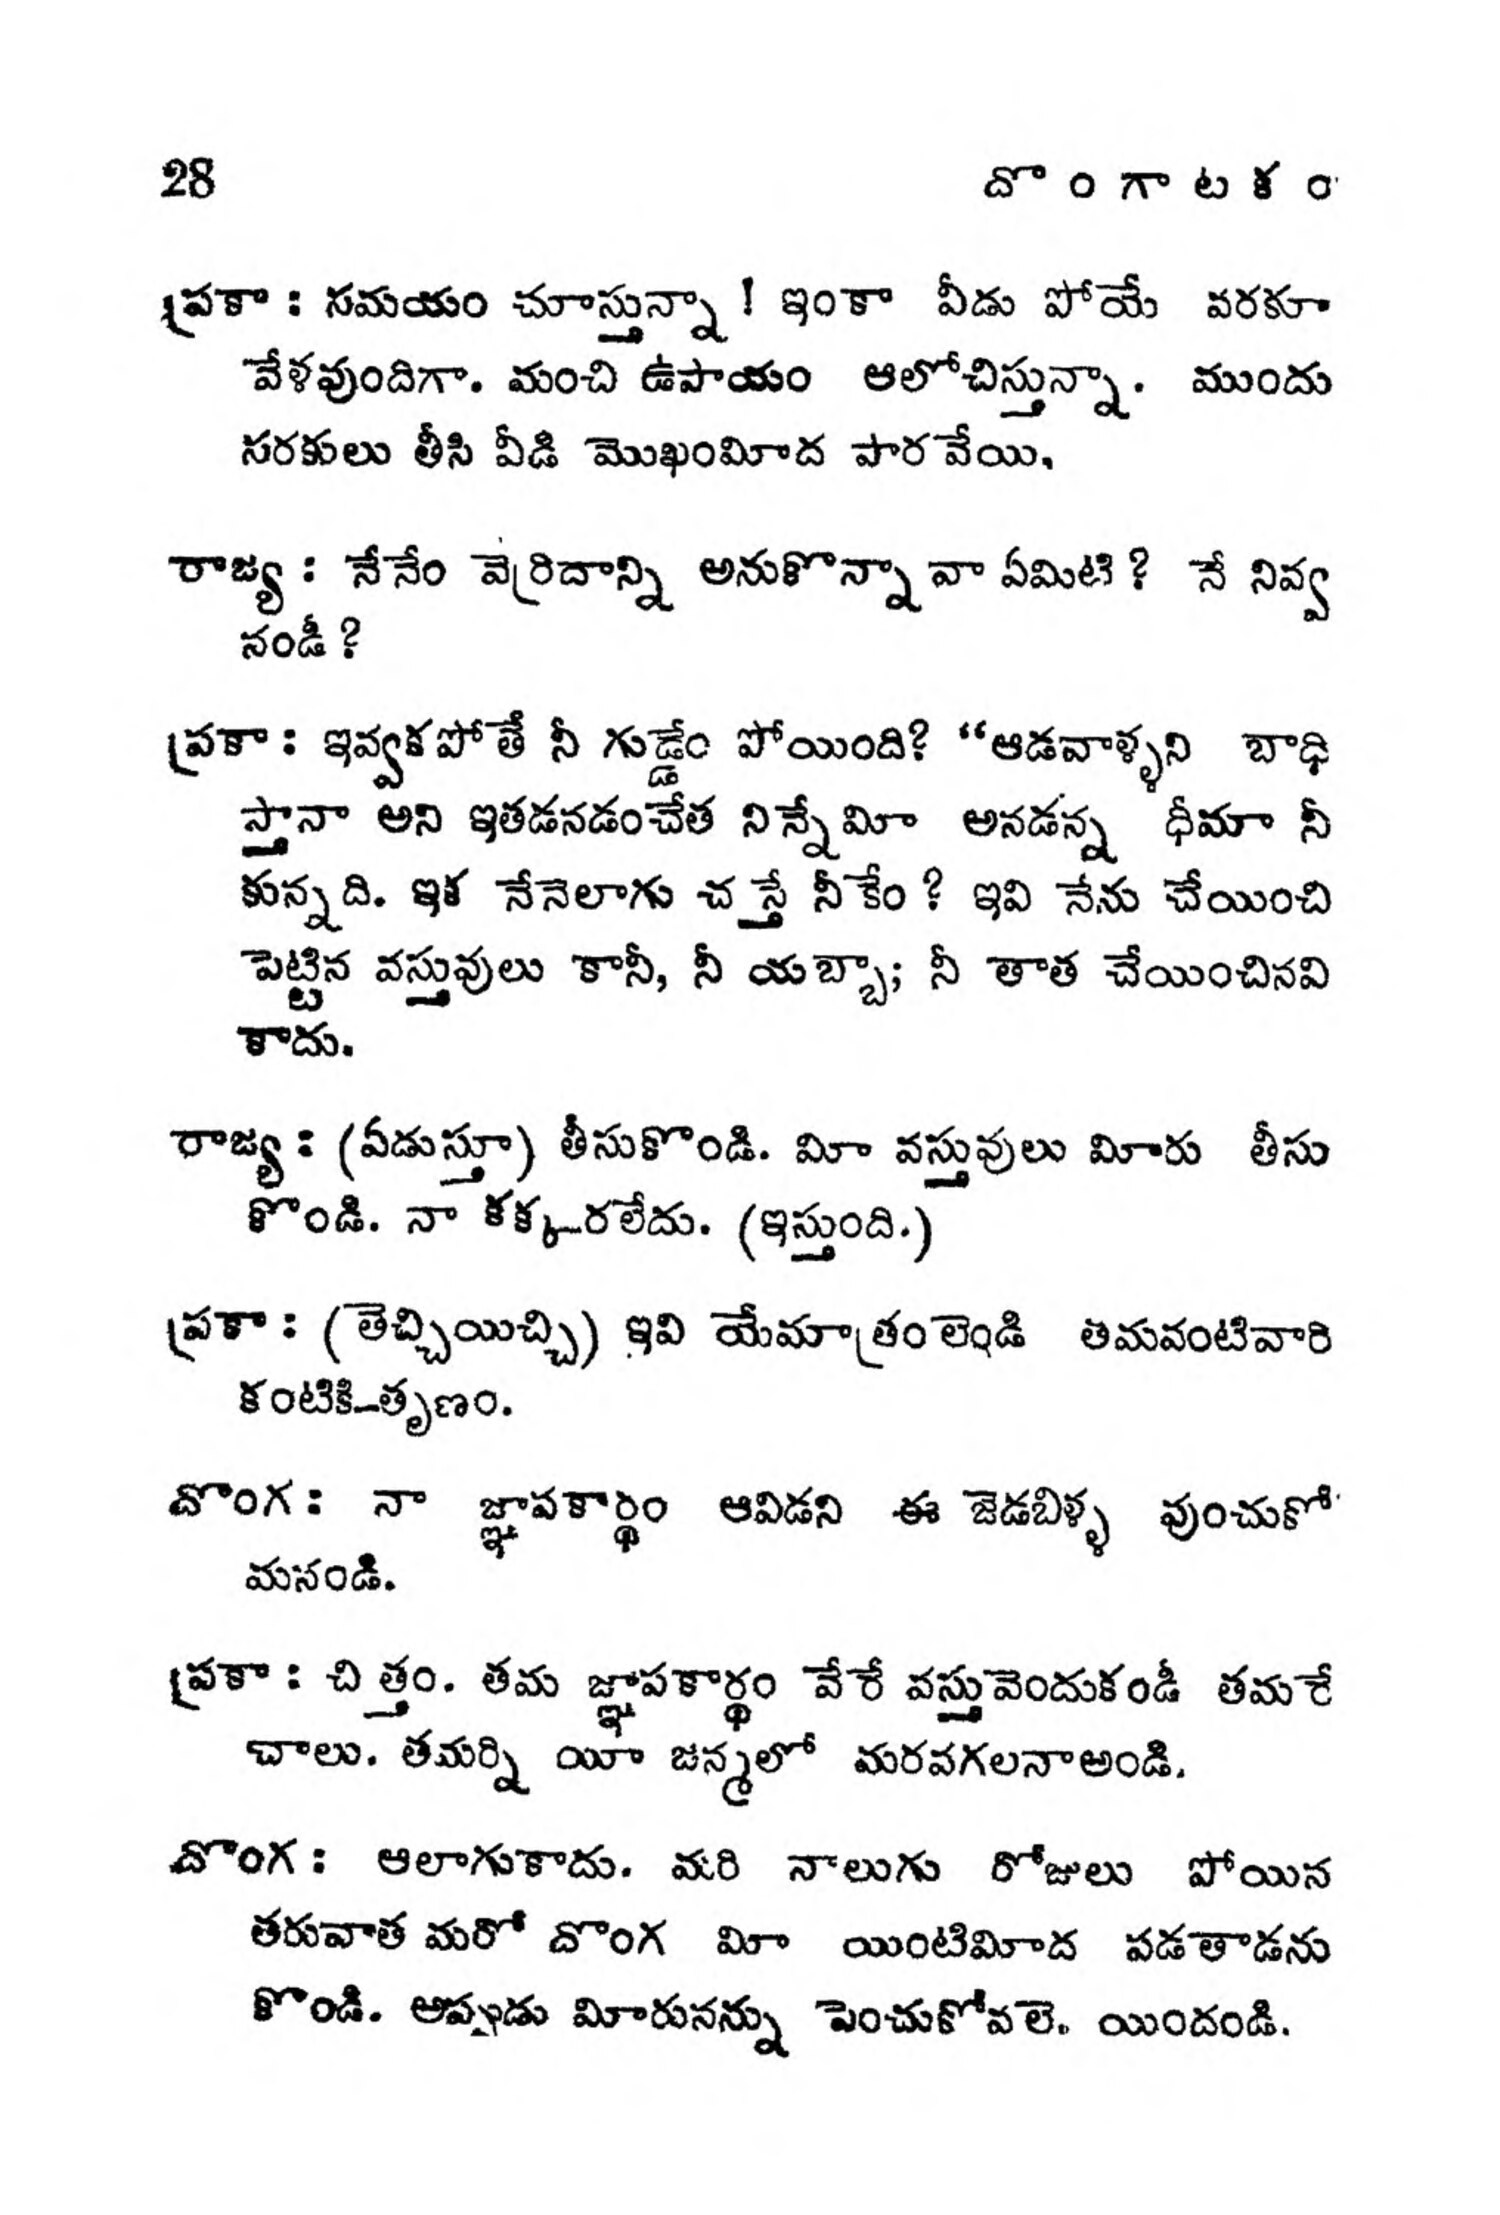ప్రకా : సమయం చూస్తున్నా ! ఇంకా వీడు పోయే వరకూ వేళవుందిగా. మంచి ఉపాయం ఆలోచిస్తున్నా. ముందు
సరకులు తీసి వీడి మొఖంమీద పారవేయి.

రాజ్య : నేనేం వెర్రిదాన్ని అనుకొన్నావా ఏమిటి ? నే నివ్వ నండీ ?

ప్రకా : ఇవ్వకపోతే నీ గుడ్డేం పోయింది? "ఆడవాళ్ళని బాధిస్తానా అని ఇతడనడంచేత నిన్నేమీ అనడన్న ధీమా నీ కున్నది. ఇక నేనెలాగు చస్తే నీకేం? ఇవి నేను చేయించి పెట్టిన వస్తువులు కానీ, నీ యబ్బా; నీ తాత చేయించినవి
కాదు.

రాజ్య : (ఏడుస్తూ) తీసుకొండి. మీ వస్తువులు మీరు తీసుకొండి. నా కక్కరలేదు. (ఇస్తుంది.)

ప్రకా : (తెచ్చియిచ్చి) ఇవి యేమాత్రంలెండి తమవంటివారి కంటికి - తృణం.

దొంగ : నా జ్ఞాపకార్థం ఆవిడని ఈ జెడబిళ్ళ వుంచుకో మనండి.

ప్రకా : చిత్తం. తమ జ్ఞాపకార్థం వేరే వస్తువెందుకండీ తమరే చాలు. తమర్ని
తమర్ని యీ జన్మలో మరువగలనాఅండి.

దొంగ : ఆలాగు కాదు. మరి నాలుగు రోజులు పోయిన తరువాత మరో దొంగ మీ యింటిమీద పడతాడను కొండి. అప్పుడు మీరునన్ను పెంచుకోవలె. యిందండి.